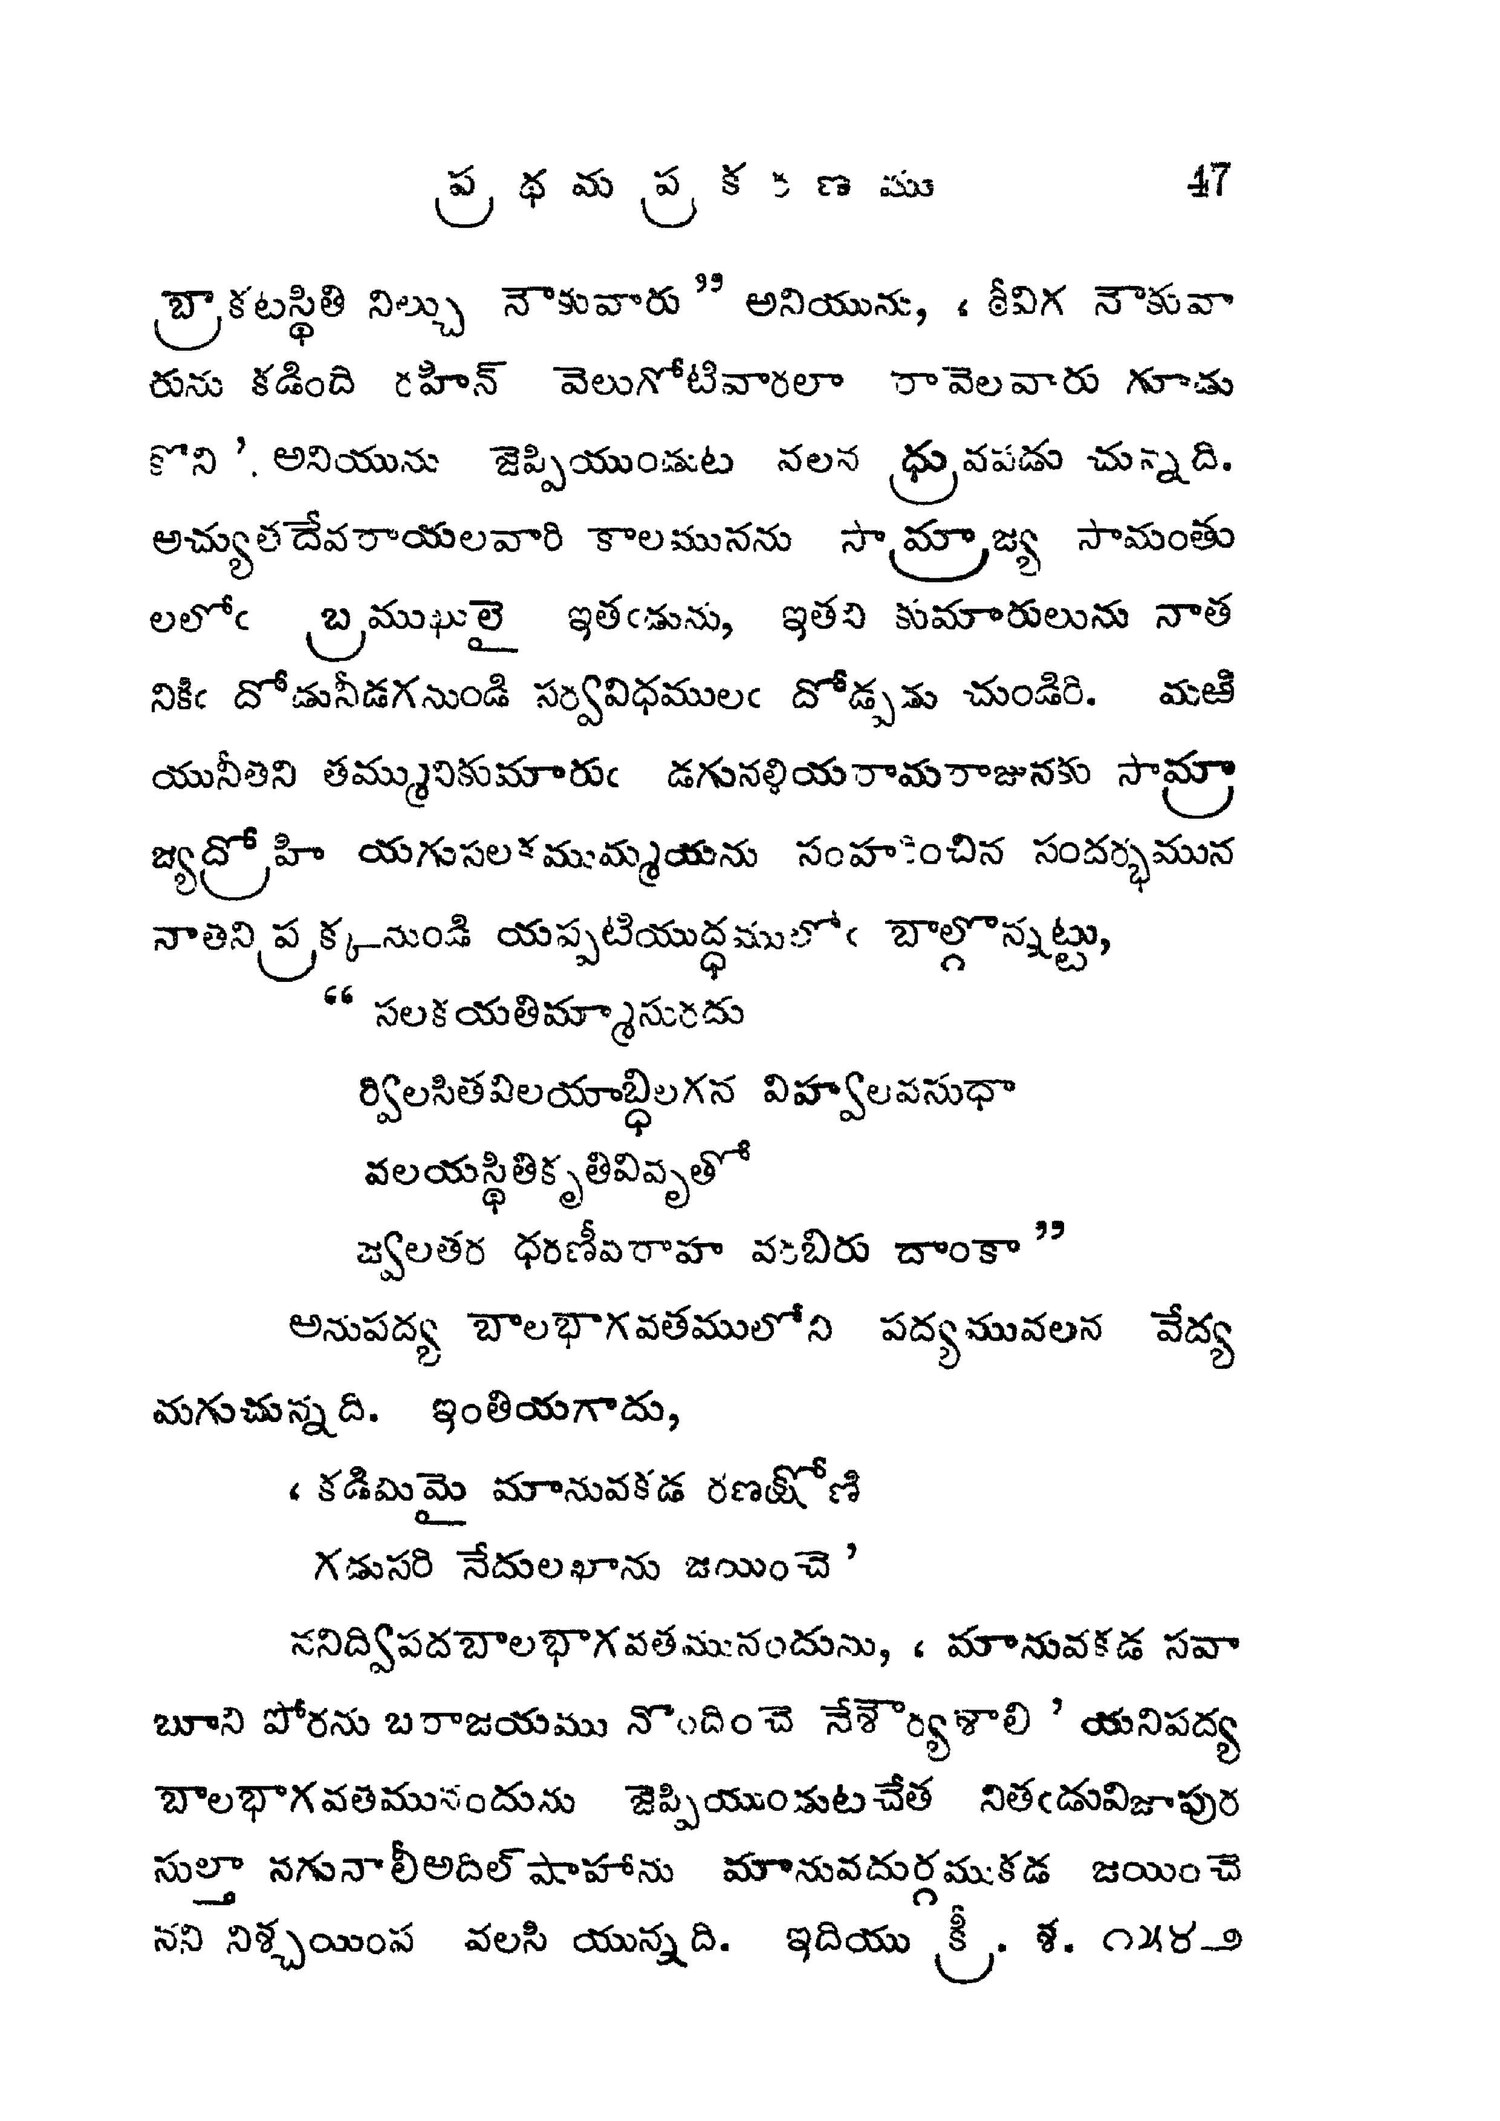బ్రాకటస్థితి నిల్చు నౌకువారు" అనియును, 'ఠీవిగ నౌకువారును కడింది రహిన్ వెలుగోటివారలా రావెలవారు గూడుకొని' అనియును జెప్పియుండుట వలన ధ్రువపడు చున్నది. అచ్యుత దేవరాయలవారి కాలమునను సామ్రాజ్య సామంతులలో బ్రముఖులై ఇతడును, ఇతని కుమారులును నాతనికి దోడునీడగనుండి సర్వవిధముల దోడ్పడు చుండిరి. మఱియునీతని తమ్మునికుమారు డగునళియరామరాజునకు సామ్రాజ్యద్రోహి యగుసలకముమ్మయను సంహరించిన సందర్భమున నాతనిప్రక్కనుండి యప్పటియుద్దములో బాల్గొన్నట్టు,

 "సలకయతిమ్మాసురదు
 ర్విలసితవిలయాబ్ధిలగన విహ్వలవసుధా
 వలయస్థితికృతివివృతో
 జ్వలతర ధరణీవరాహ వరబిరు దాంకా"

అనుపద్య బాలభాగవతములోని పద్యమువలన వేద్యమగుచున్నది. ఇంతియగాదు,

 'కడిమిమై మానువకడ రణక్షోణి
 గడుసరి నేదులఖాను జయించె'

ననిద్విపదబాలభాగవతమునందును, 'మానువకడ సవాబూని పోరను బరాజయము నొందించె నేశౌర్యశాలి' యనిపద్యబాలభాగవతమునందును జెప్పియుండుటచేత నితడువిజాపురసుల్తా నగునాలీఅదిల్‌షాహాను మానువదుర్గముకడ జయించెనని నిశ్చయింప వలసి యున్నది. ఇదియు క్రీ. శ. 1542